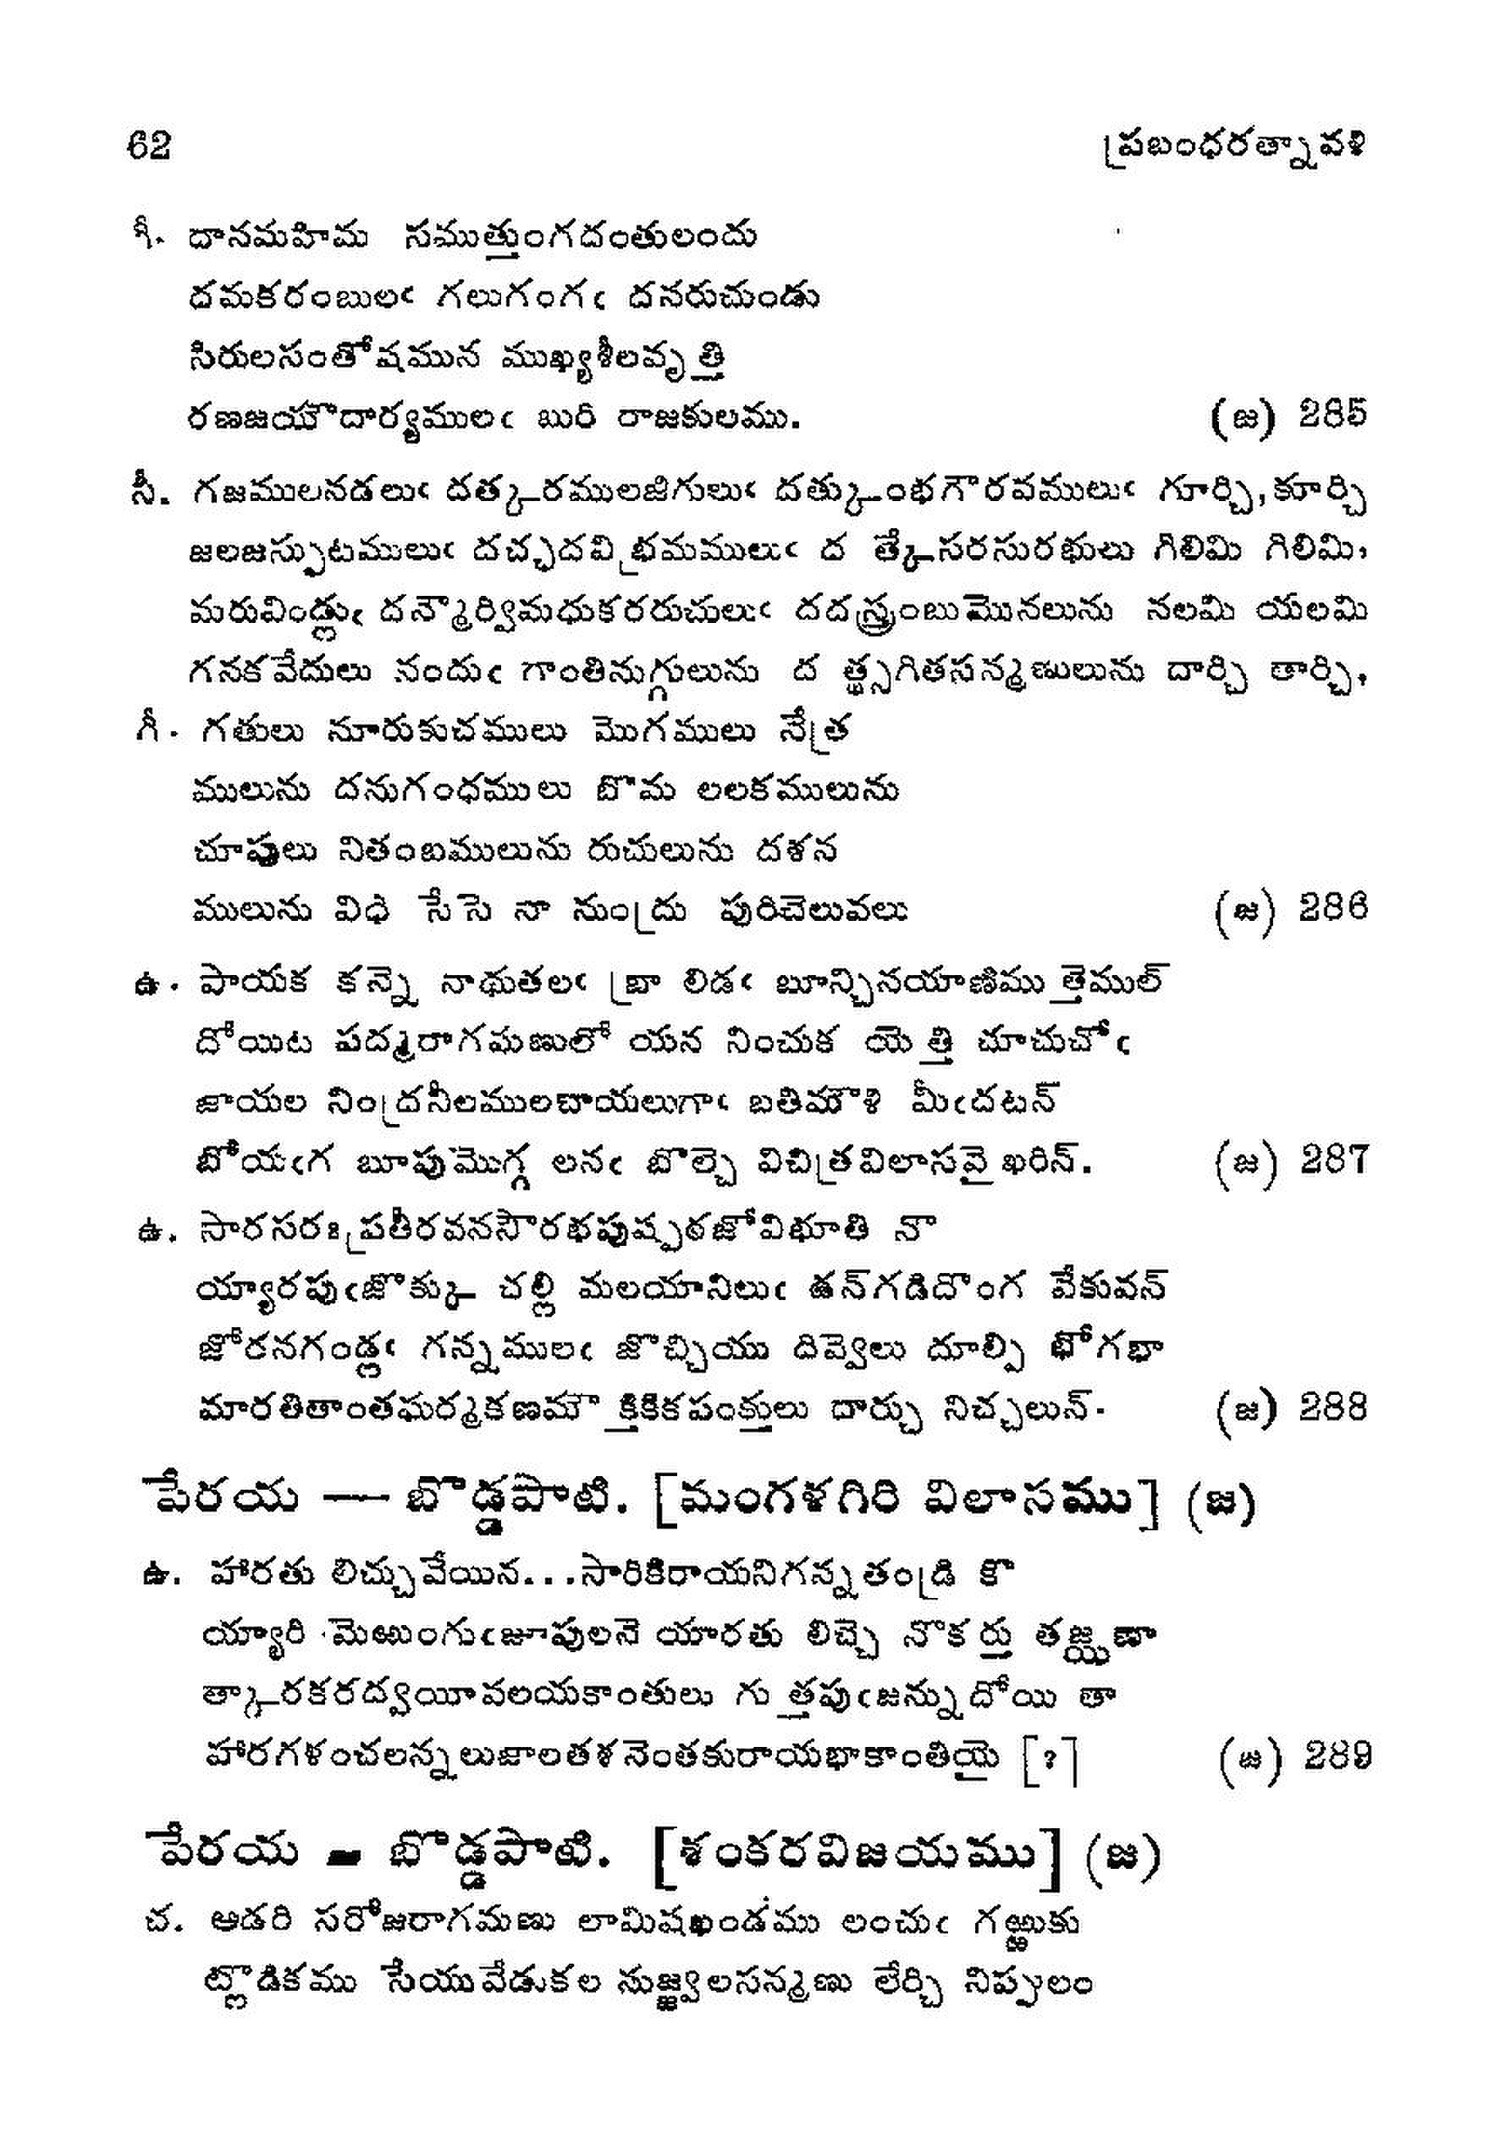గీ. దానమహిమ సముత్తుంగ దంతులందు
దమకరంబులఁ గలుగంగఁ దనరుచుండు
సిరులసంతోషమున ముఖ్యశీలవృత్తి
రణజయౌదార్యములఁ బురి రాజకులము. (జ) 285

సీ. గజముల నడలుఁ దత్కరముల జిగులుఁ ద త్కుంభగౌరవములుఁ గూర్చి కూర్చి
జలజస్ఫుటములుఁ దచ్ఛదవిభ్రమములుఁ ద త్కేసరసురభులు గిలిమి గిలిమి
మరువిండ్లుఁ దన్మౌర్విమధుకర రుచులుఁ ద దస్త్రంబుమొనలును నలమి యలమి
గనకవేదులు నందుఁ గాంతినుగ్గులును దత్ స్థగితసన్మణులును దార్చి తార్చి
గీ. గతులు నూరుకుచములు మొగములు నేత్ర
ములును దనుగంధములు బొమ లలకములును
చూపులు నితంబములును రుచులును దశన
ములును విధి సేసె నా నుంద్రు పురిచెలువలు. (జ) 286

ఉ. పాయక కన్నెనాథు తలఁబ్రాలిడఁ బూన్చిన యాణిముత్తెముల్
దోయిట పద్మరాగమణులలో యన నించుక యెత్తిచూచుచో
జాయల నింద్రనీలముల చాయలుగాఁ బతిమౌళి మీఁదటన్
బోయఁగఁ బూవుమొగ్గలనఁ బొల్చె విచిత్రవిలాసవైఖరిన్. (జ) 287

ఉ. సారసరః ప్రతీరవనసౌరభపుష్పరజోవిభూతి నొ
య్యారపుఁజొక్కు చల్లి మలయానిలుఁడన్ గడిదొంగ వేకువన్
జోరణగండ్లఁ గన్నములఁ జొచ్చియు దివ్వెలు దూల్చి భోగభా
మారతితాంతఘర్మకణ మౌక్తికపంక్తులు దార్చు నిచ్చలున్. (జ) 288

పేరయ, బొడ్డపాటి [మంగళగిరివిలాసము] (జ)
ఉ. హారతు లిచ్చు వేయిన ... సారికిరాయనిఁ గన్నతండ్రి కొ
య్యారి మెఱుంగుఁజూపులనె యారతు లిచ్చె నొకర్తు తజ్ఝణా
త్కారకరద్వయీవలయకాంతులు గుత్తపుఁజన్నుదోయి తా
హారగళంచలన్నలుజాలతశ నెంతకురాయభాకాంతియై[?] (జ) 289

పేరయ, బొడ్డపాటి [శంకరవిజయము] (జ)
చ. అడరి సరోజరాగమణు లామిషఖండము లంచుఁ గఱ్ఱుకు
ట్లొడికము సేయు వేడుకల నుజ్జ్వలసన్మణు లేర్చి నిప్పులం